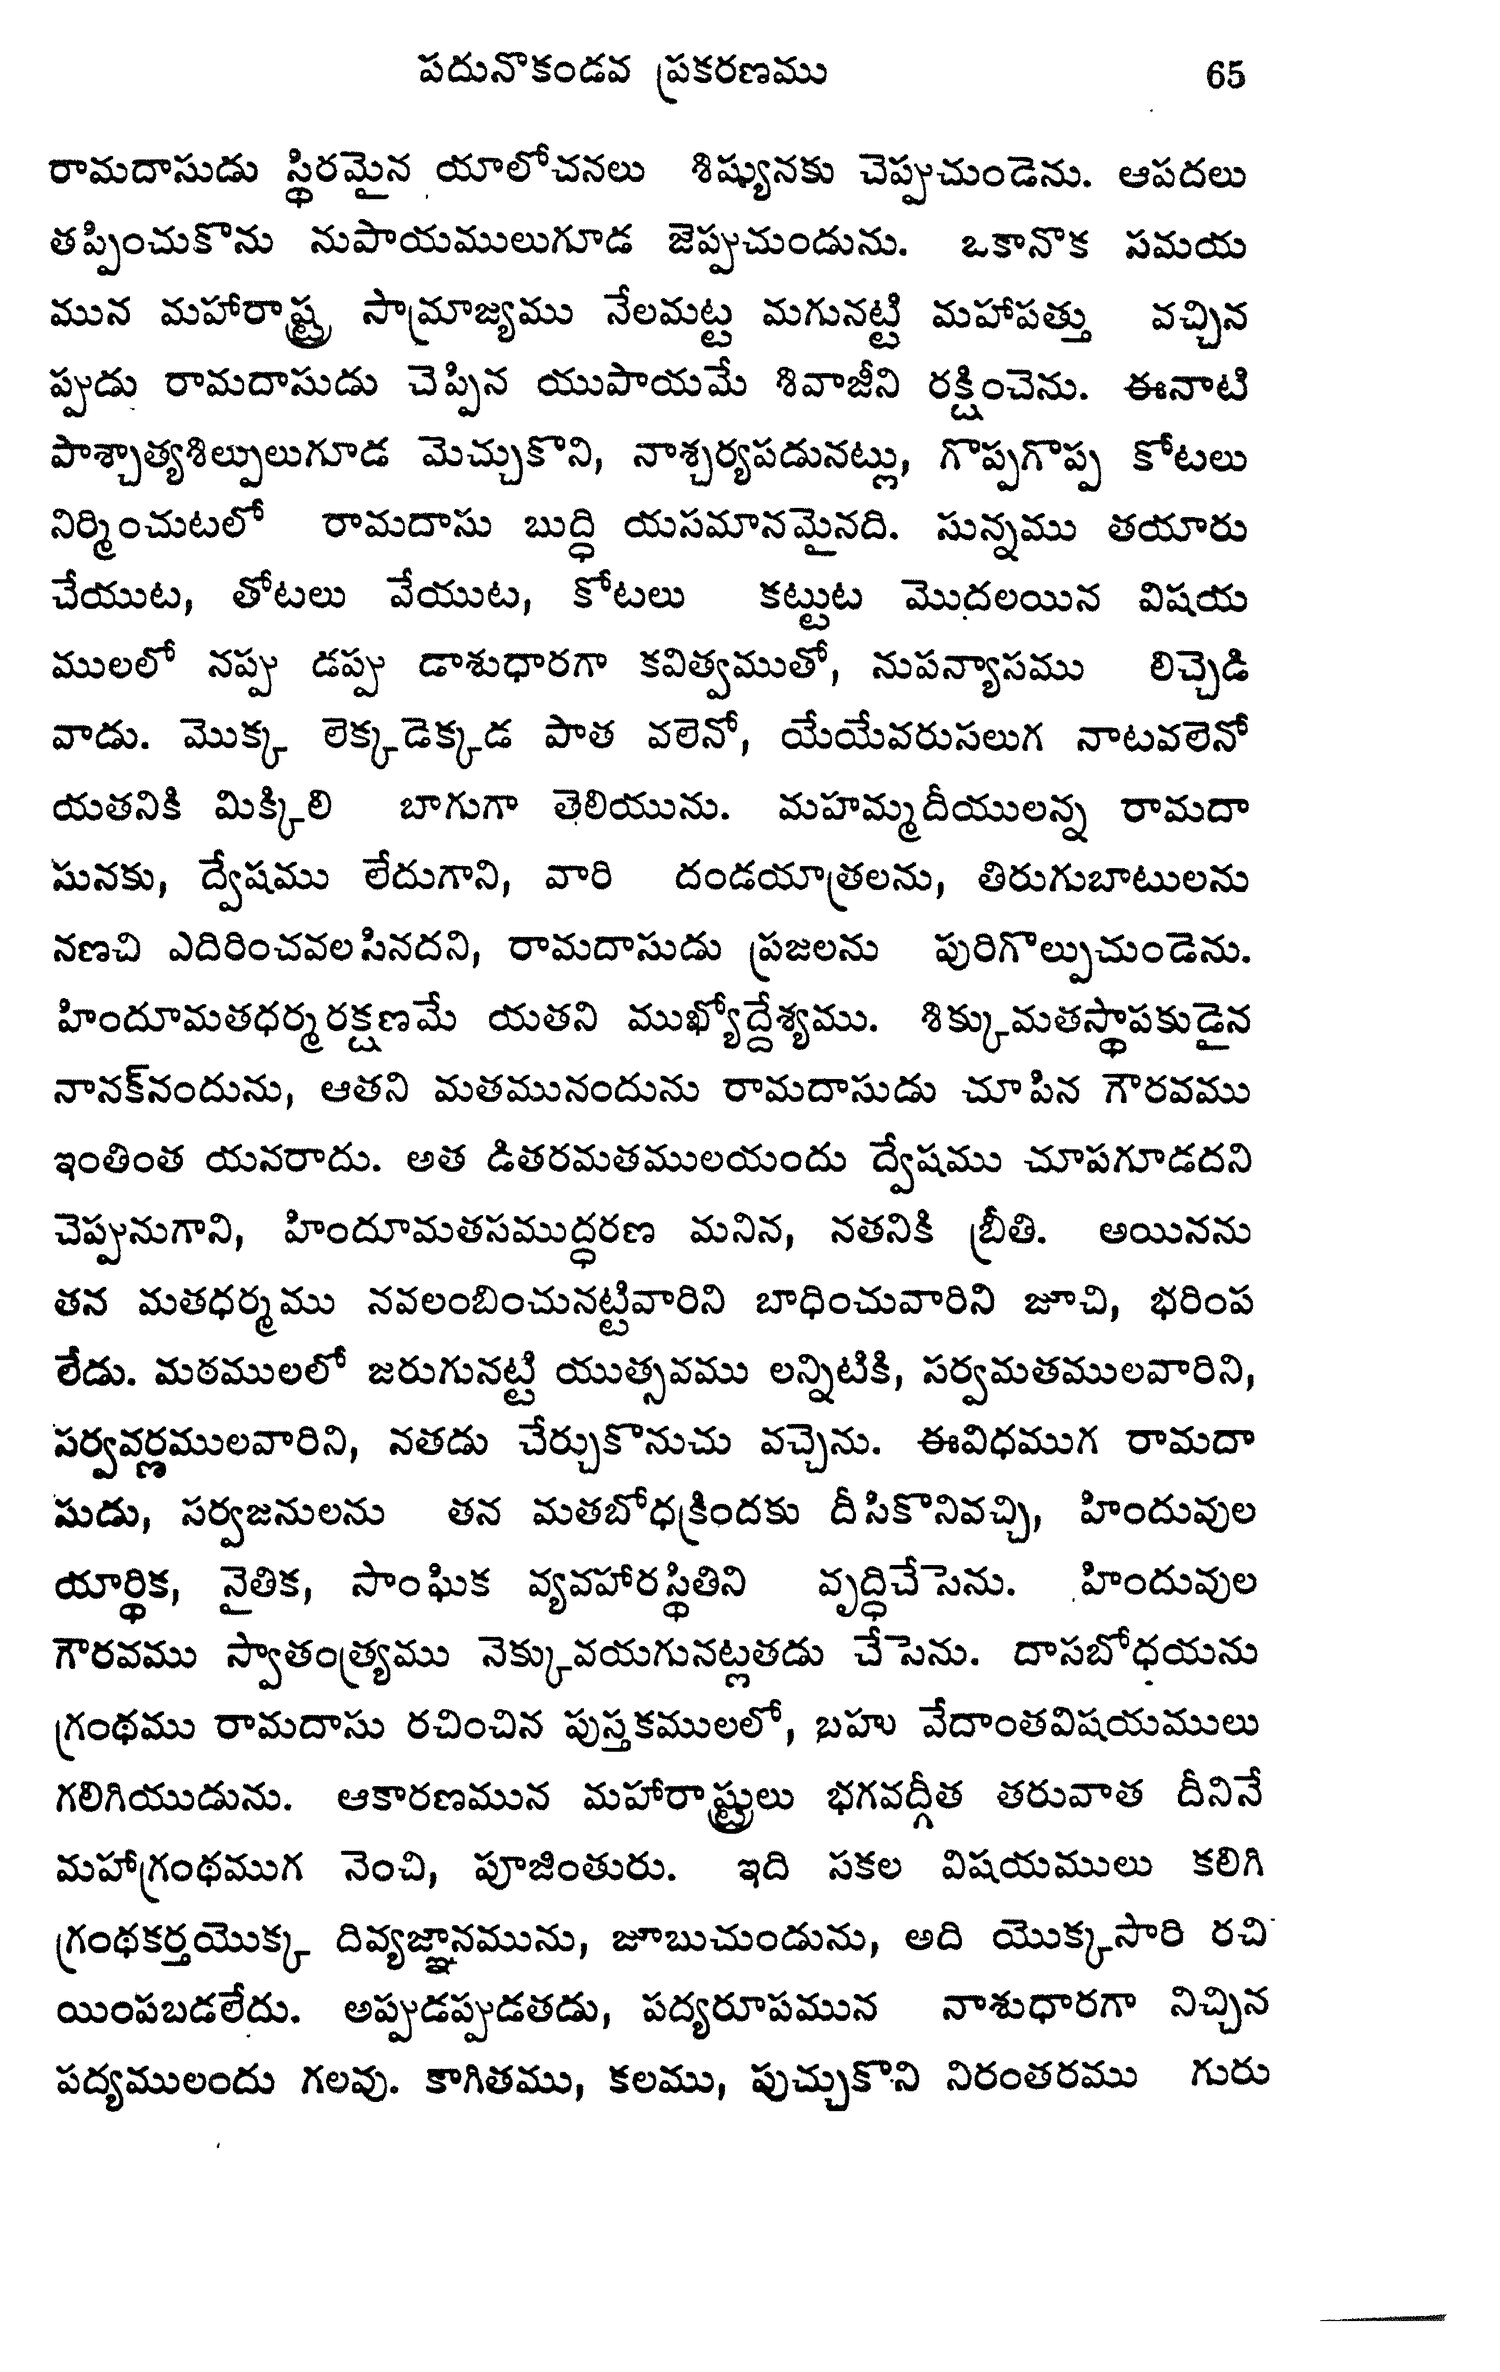రామదాసుడు స్థిరమైన యాలోచనలు శిష్యునకు చెప్పుచుండెను. ఆపదలు తప్పించుకొను నుపాయములుగూడ జెప్పుచుండును. ఒకానొక సమయమున మహారాష్ట్ర సామ్రాజ్యము నేలమట్ట మగునట్టి మహాపత్తు వచ్చినప్పుడు రామదాసుడు చెప్పిన యుపాయమే శివాజినీ రక్షించెను. ఈనాటి పాశ్చాత్యశిల్పులుగూడ మెచ్చుకొని, నాశ్చర్యపడునట్లు, గొప్పగొప్ప కోటలు నిర్మించుటలో రామదాసు బుద్ధి యసమానమైనది. సున్నము తయారు చేయుట, తోటలు వేయుట, కోటలుకట్టుట మొదలయిన విషయములలో నప్పు డప్పూ డాశుధారగా కవిత్వముతో, నుపన్యాసము లిచ్చెడివాడు. మొక్క లెక్కడెక్కడ పాత వలెనో, యేయేవరుసలుగ నాటవలెనో యతనికి మిక్కిలి బాగుగా తెలియును. మహమ్మదీయులన్న రామదాసునకు, ద్వేషము లేదుగాని, వారి దండయాత్రలను, తిరుగుబాటులను నణచి ఎదిరించవలసినదని, రామదాసుడు ప్రజలను పురిగొల్పుచుండెను. హిందూమతధర్మరక్షణమే యతని ముఖ్యోద్దేశము. శిక్కుమతస్థాపకుడైన నానక్‌నందును, ఆతని మతమునందును రామదాసుడు చూపిన గౌరవము ఇంతింత యనరాదు. అత డితరమతములయందు ద్వేషము చూపగూడదని చెప్పునుగాని, హిందూమతసముద్ధరణ మనిన, నతనికి బ్రీతి. అయినను తన మతధర్మము నవలంబించునట్టివారిని బాధించువారిని జూచి, భరింప లేడు. మఠములలో జరుగునట్టి యుత్సవము లన్నిటికి, సర్వమతములవారిని, సర్వవర్ణములవారిని, నతడు చేర్చుకొనుచు వచ్చెను. ఈవిధముగ రామదాసుడు, సర్వజనులను తన మతబోధక్రిందకు దీసికొనివచ్చి, హిందువుల యార్థిక, నైతిక, సాంఘిక వ్యవహారస్థితిని వృద్ధిచేసెను. హిందువుల గౌరవము స్వాతంత్ర్యము నెక్కువయగునట్లతడు చేసెను. దాసబోధయను గ్రంథము రామదాసు రచించిన పుస్తకములలో, బహు వేదాంతవిషయములు గలిగియుడును. ఆకారణమున మహారాష్ట్రులు భగవద్గీత తరువాత దీనినే మహాగ్రంథముగ నెంచి, పూజింతురు. ఇది సకల విషయములు కలిగి గ్రంథకర్తయొక్క దివ్యజ్ఞానమును, జూబుచుండును. అది యొక్కసారి రచియింపబడలేదు. అప్పుడప్పుడతడు, పద్యరూపమున నాశుధారగా నిచ్చిన పద్యములందు గలవు. కాగితము, కలము, పుచ్చుకొని నిరంతరము గురు